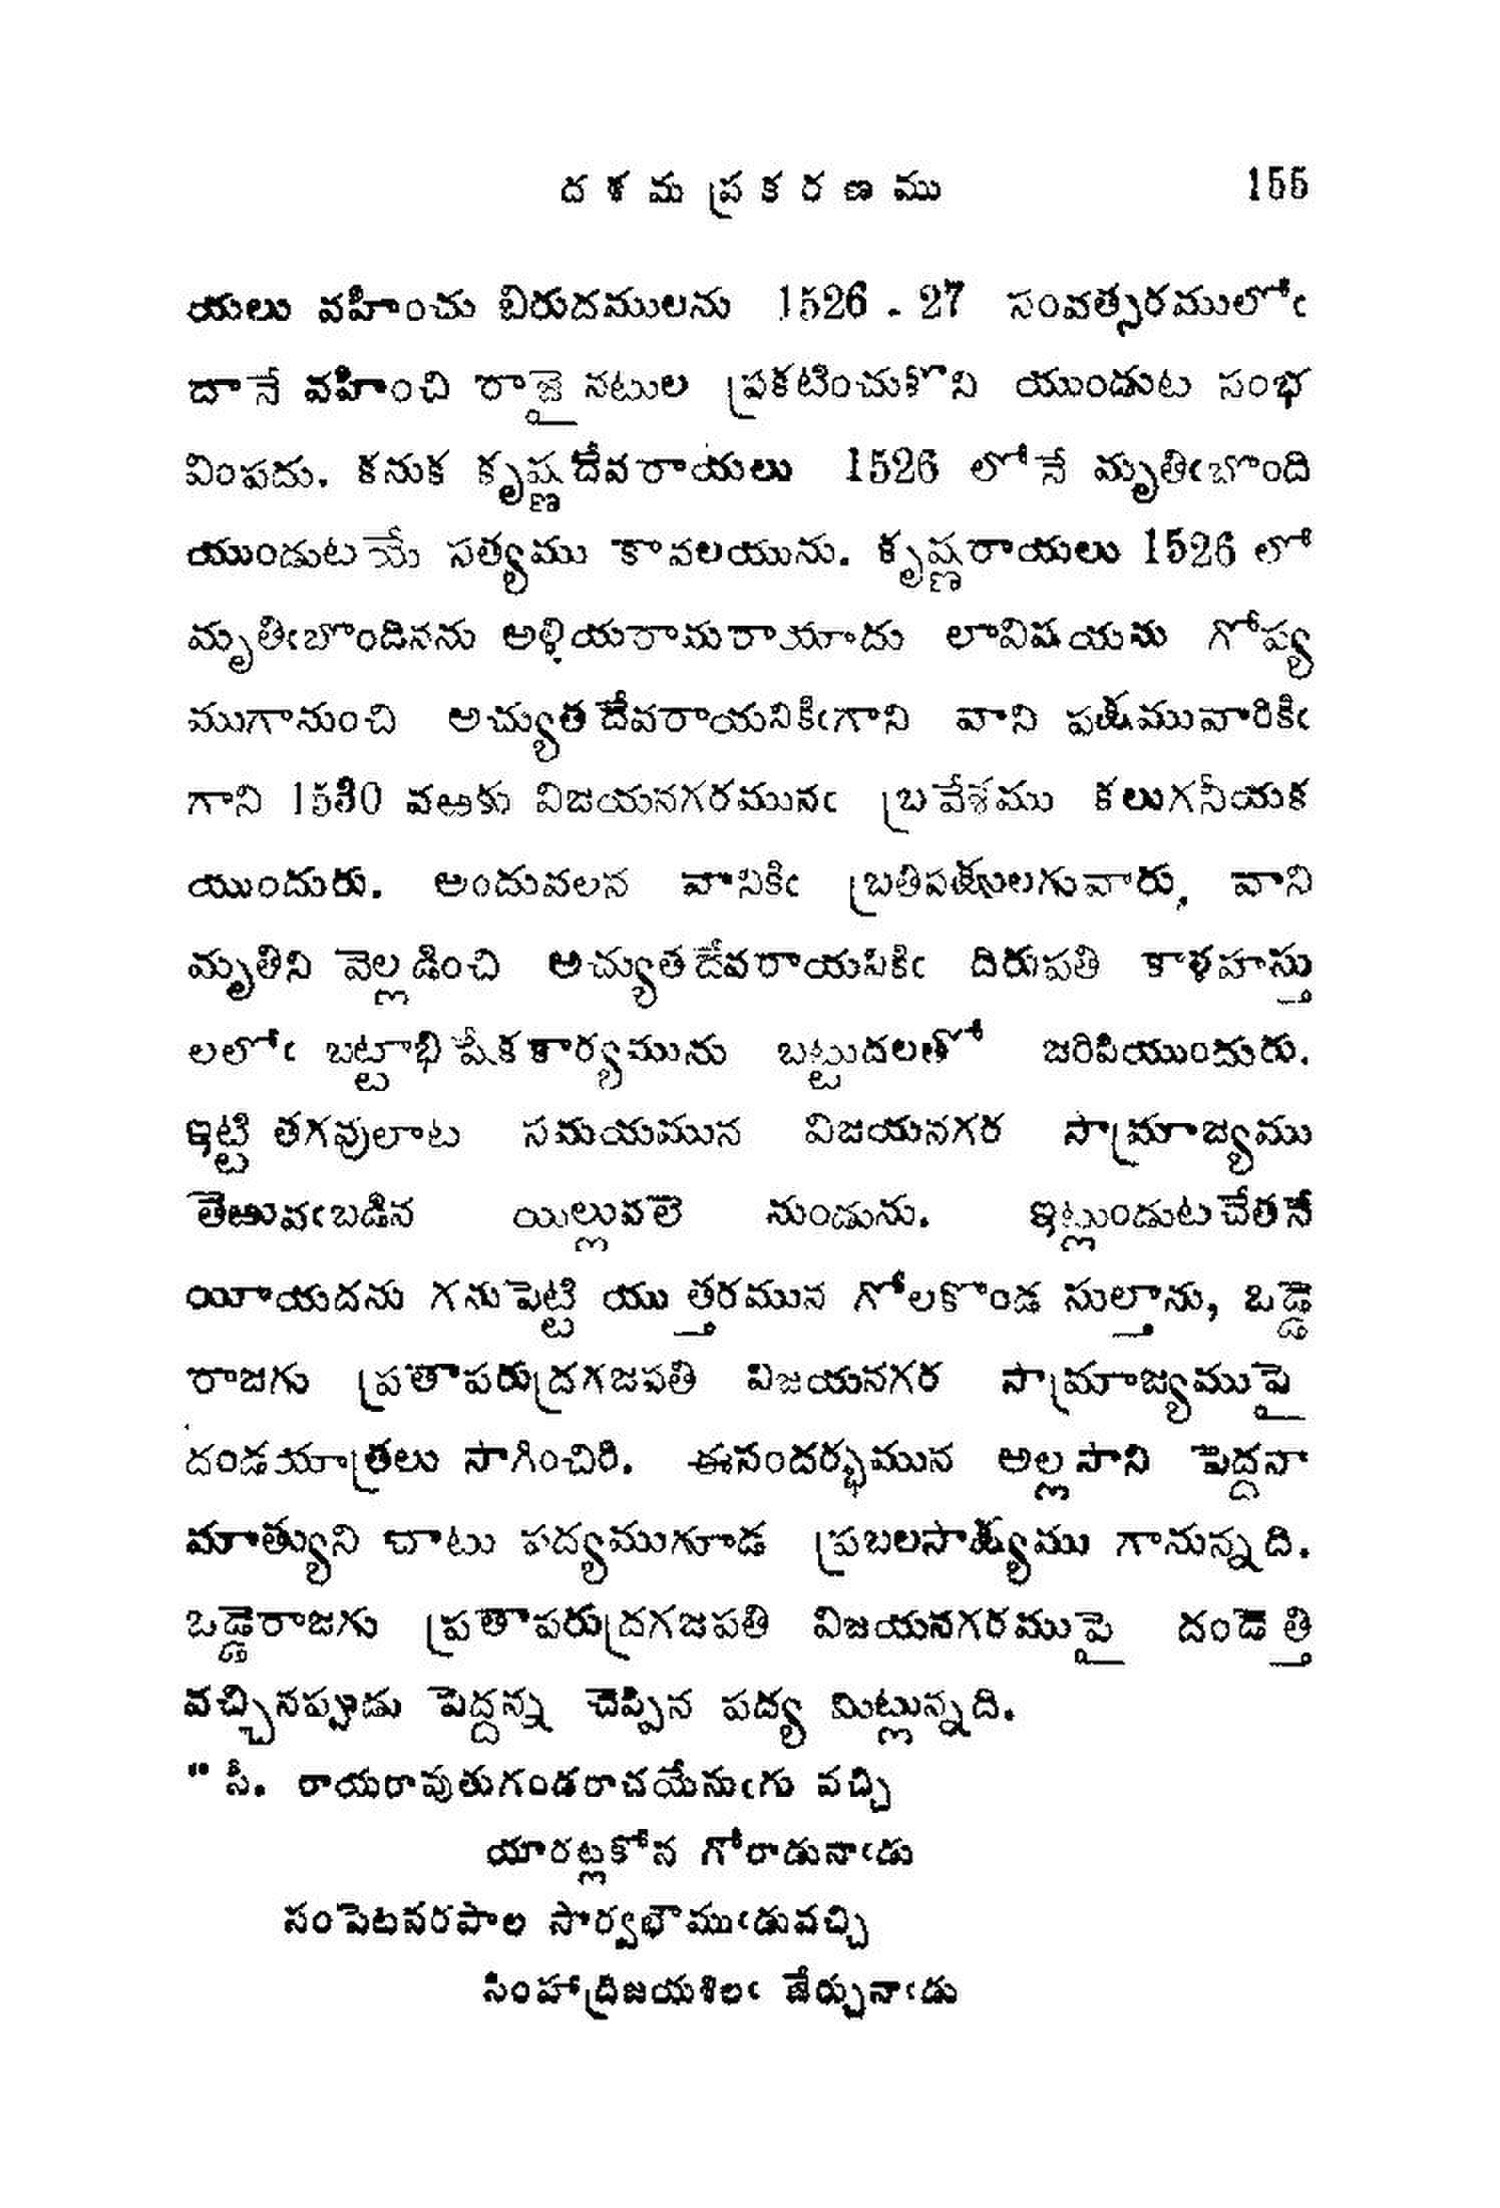యలు వహించు బిరుదములను 1526 - 27 సంవత్సరములోఁ దానే వహించి రాజైనటుల ప్రకటించుకొని యుండుట సంభవింపదు. కనుక కృష్ణదేవరాయలు 1526 లోనే మృతిఁబొంది యుండుటయే సత్యము కావలయును. కృష్ణరాయలు 1526 లో మృతిఁబొందినను అళియరామరాయాదు లావిషయము గోప్యముగానుంచి అచ్యుతదేవరాయనికిఁగాని వాని పక్షమువారికిఁ గాని 1530 వఱకు విజయనగరమునఁ బ్రవేశము కలుగనీయక యుందురు. అందువలన వానికిఁ బ్రతిపక్షులగువారు, వాని మృతిని వెల్లడించి అచ్యుతదేవరాయనికిఁ దిరుపతి కాళహస్తులలోఁ బట్టాభిషేక కార్యమును బట్టుదలతో జరిపియుందురు. ఇట్టి తగవులాట సమయమున విజయనగర సామ్రాజ్యము తెఱువఁబడిన యిల్లువలె నుండును. ఇట్లుండుటచేతనే యీయదను గనుపెట్టి యుత్తరమున గోలకొండ సుల్తాను, ఒడ్డె రాజగు ప్రతాపరుద్రగజపతి విజయనగర సామ్రాజ్యముపై దండయాత్రలు సాగించిరి. ఈసందర్భమున అల్లసాని పెద్దనామాత్యుని చాటు పద్యముగూడ ప్రబలసాక్ష్యము గానున్నది. ఒడ్డెరాజగు ప్రతాపరుద్రగజపతి విజయనగరముపై దండెత్తి వచ్చినప్పుడు పెద్దన్న చెప్పిన పద్య మిట్లున్నది. 

"సీ. రాయరావుతుగండ రాచయేనుఁగు వచ్చి
 యారట్లకోన గోరాడునాఁడు 
 సంపెటనరపాల సార్వభౌముఁడువచ్చి
 సింహాద్రిజయశిలఁ జేర్చునాఁడు